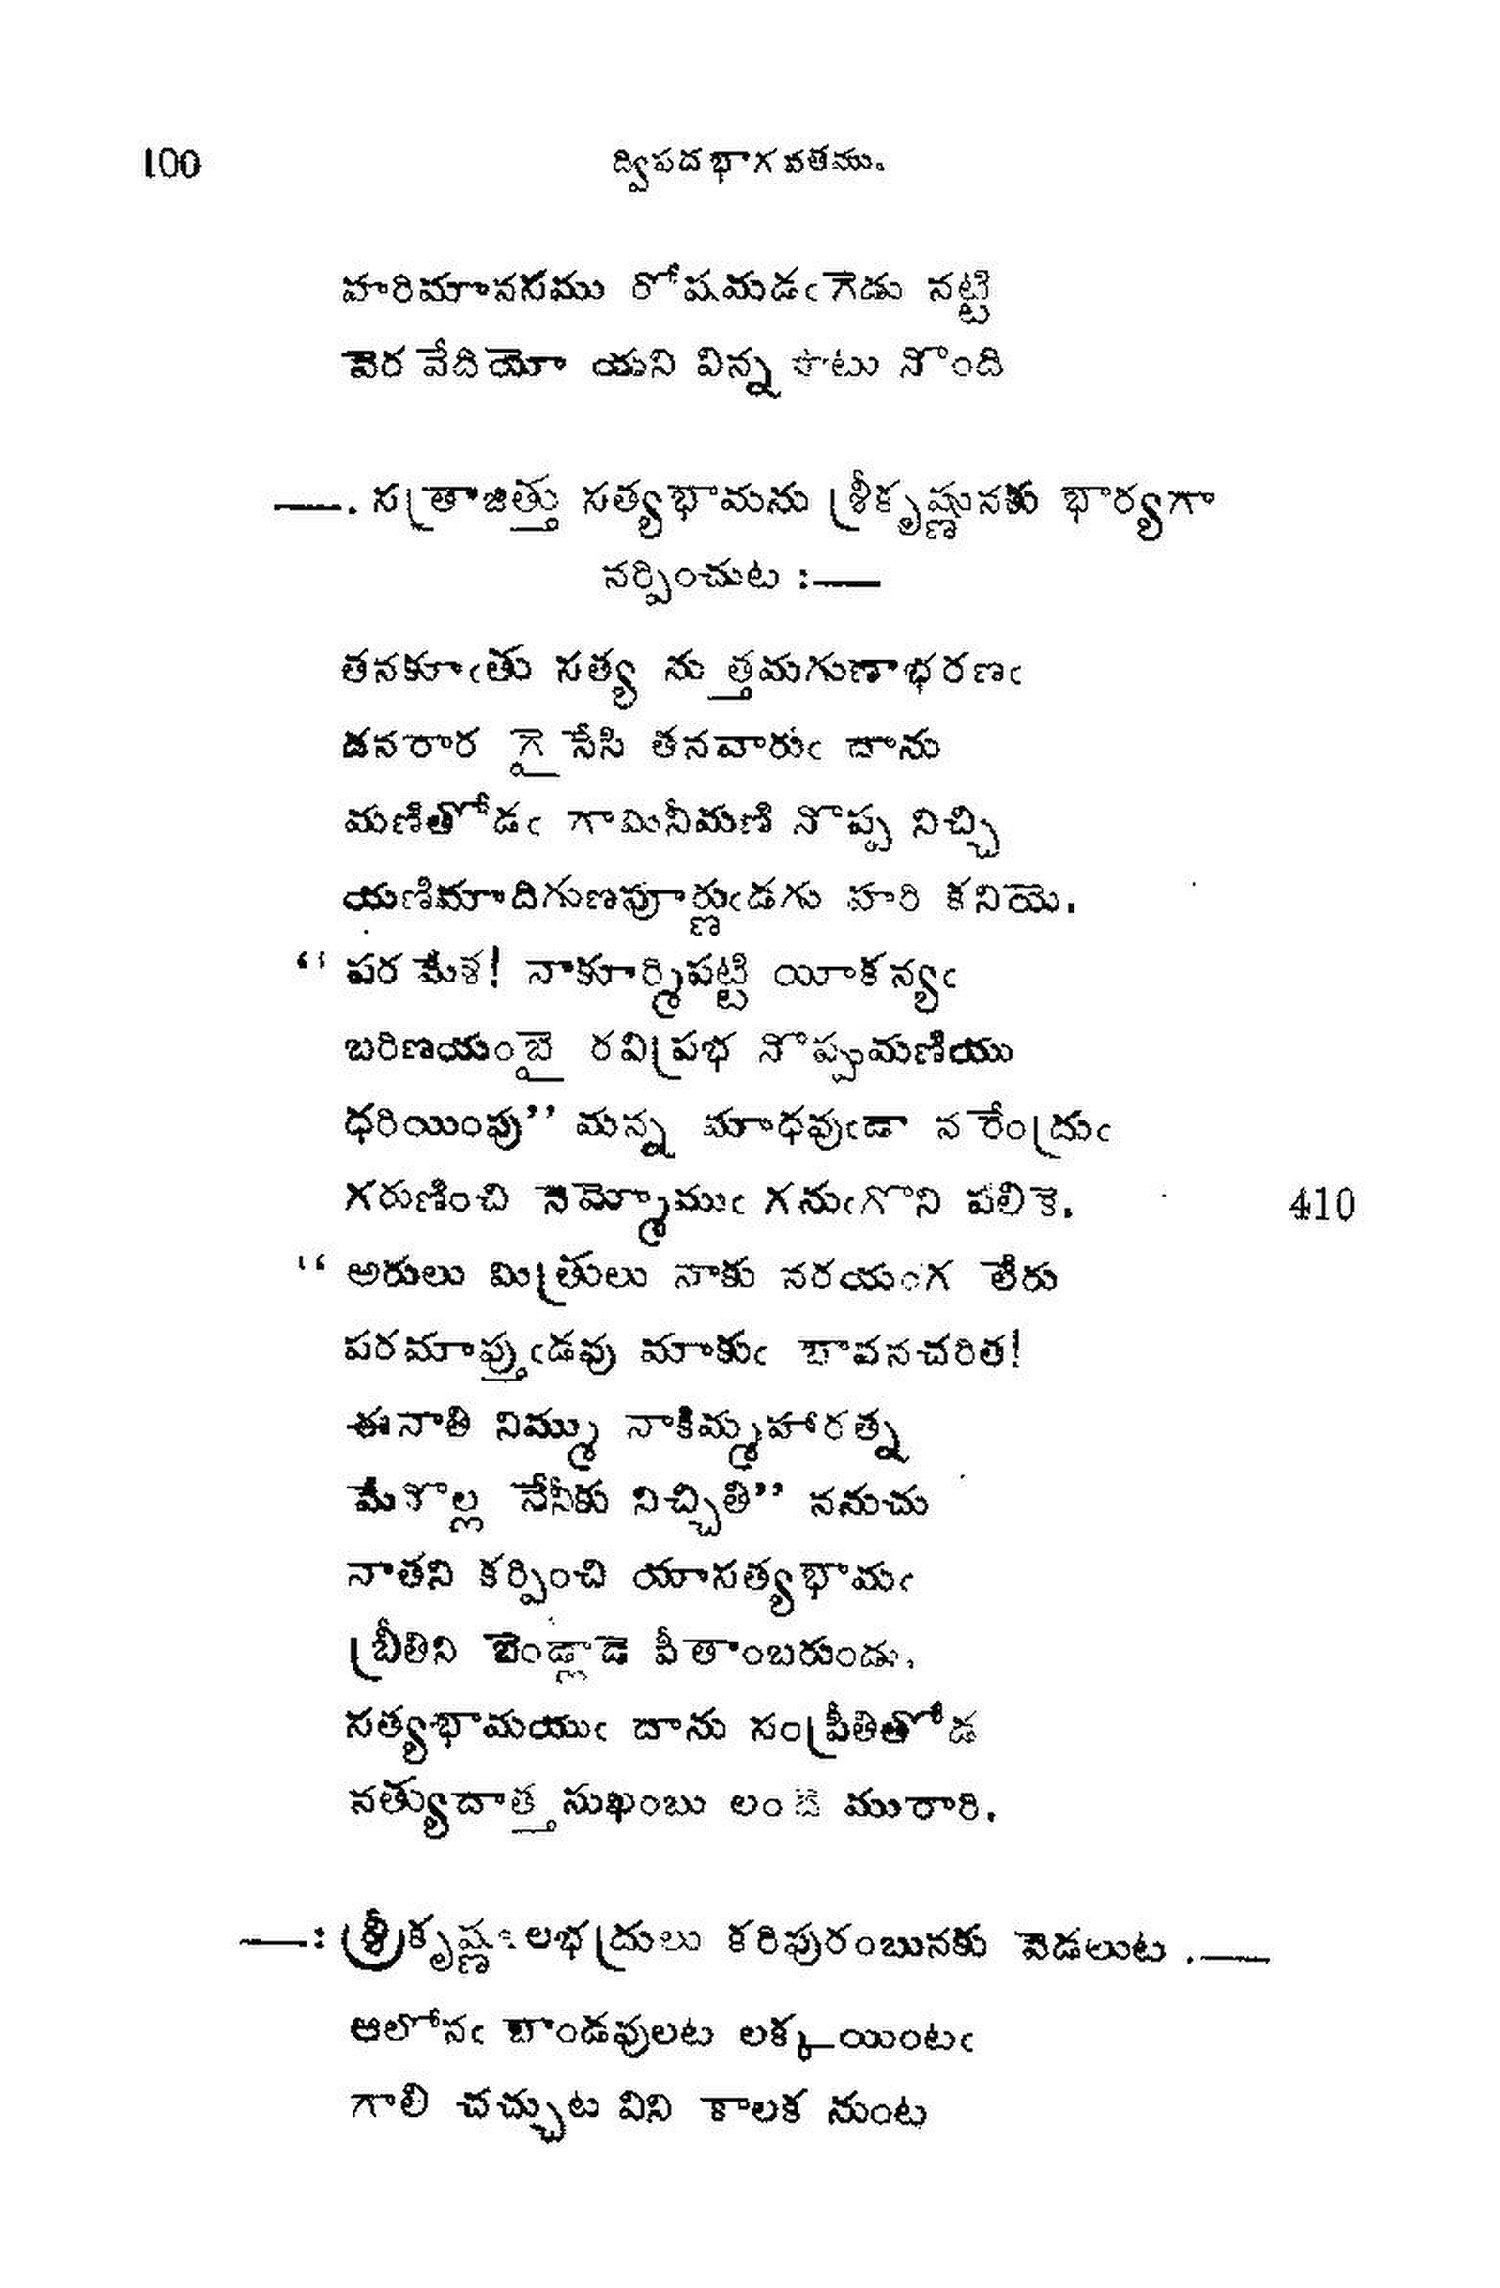హరిమానసము రోషమడఁగెడు నట్టి
వెర వేదియో యని విన్నపాటు నొంది

తనకూఁతు సత్య నుత్తమగుణాభరణఁ
దనరార గైసేసి తనవారుఁ దాను
మణితోడఁ గామినీమణి నొప్ప నిచ్చి
యణిమాదిగుణపూర్ణుఁడగు హరి కనియె.
“పరమేశ! నాకూర్మిపట్టి యీకన్యఁ
బరిణయంబై రవిప్రభ నొప్పుమణియు
ధరియింపు” మన్న మాధవుఁడా నరేంద్రుఁ
గరుణించి నెమ్మోముఁ గనుఁగొని పలికె.
“అరులు మిత్రులు నాకు నరయంగ లేరు
పరమాప్తుఁడవు మాకుఁ బావనచరిత!
ఈనాతి నిమ్ము నాకిమ్మహారత్న
మేనొల్ల నే నీకు నిచ్చితి” ననుచు
నాతని కర్పించి యాసత్యభామఁ
బ్రీతిని బెండ్లాడె పీతాంబరుండు,
సత్యభామయుఁ దాను సంప్రీతితోడ
నత్యుదాత్తసుఖంబు లందె మురారి.

ఆలోనఁ బాండవులట లక్కయింటఁ
గాలి చచ్చుట విని కాలక నుంట